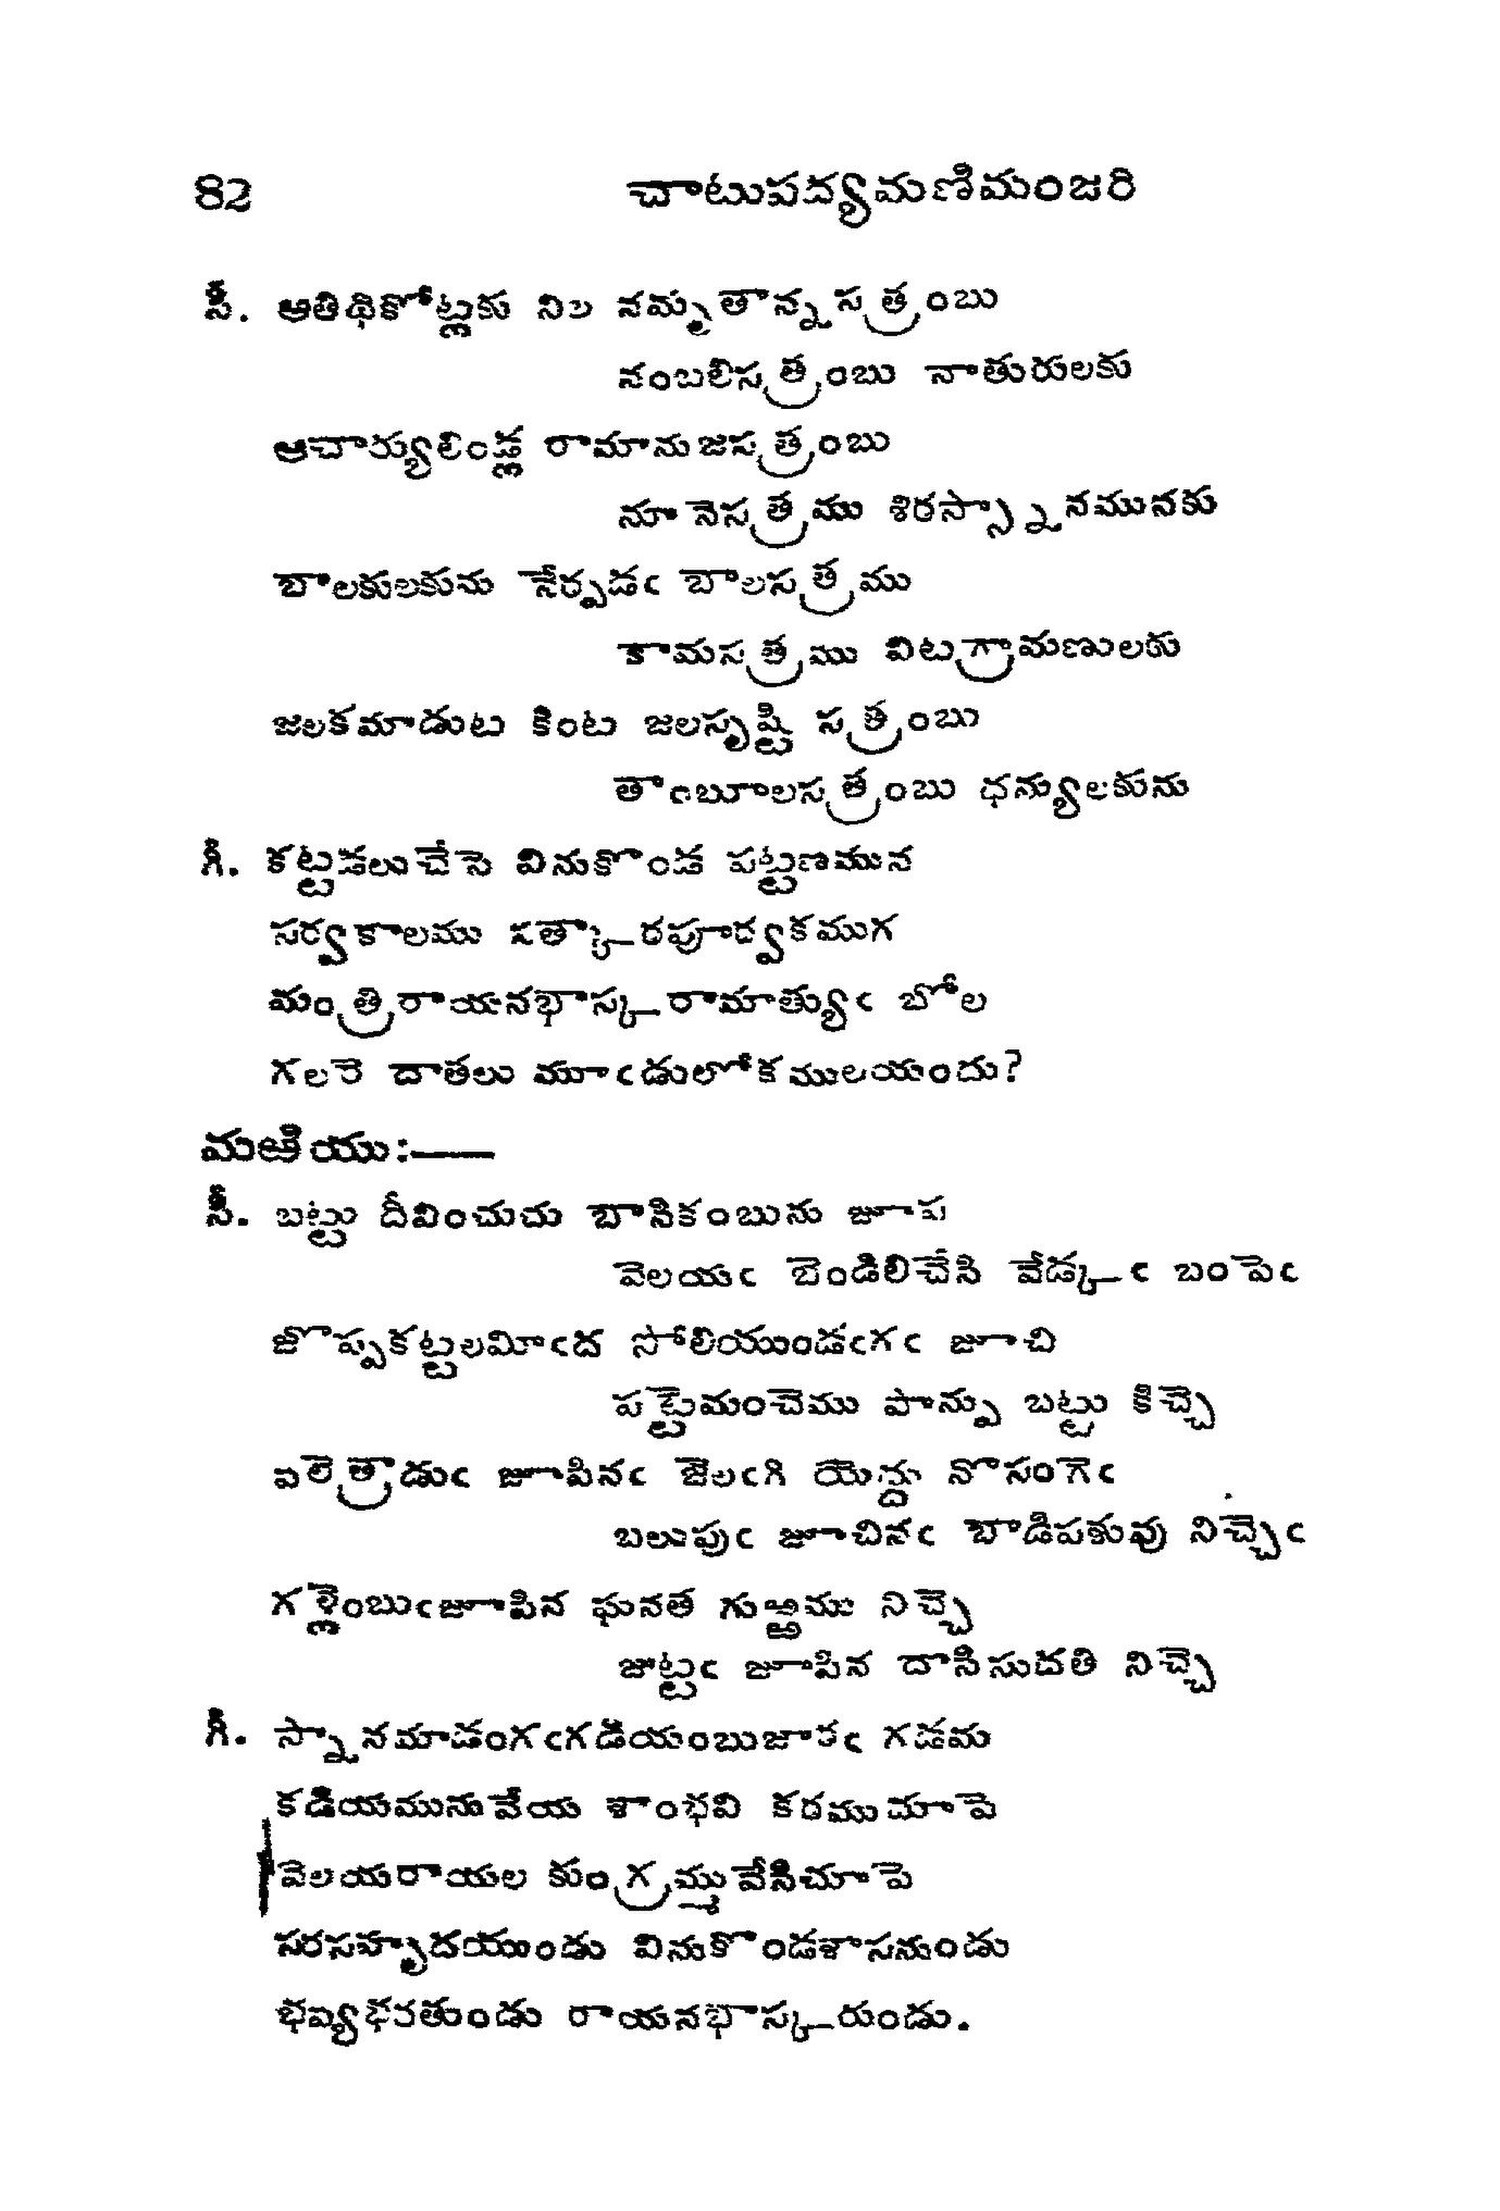సీ. అతిథికోట్లకు నిల నమృతాన్నసత్రంబు
 నంబలిసత్రంబు నాతురులకు
 ఆచార్యులిండ్ల రామానుజసత్రంబు
 నూనెసత్రము శిరస్స్నానమునకు
 బాలకులకును నేర్పడఁ బాలసత్రము
 కామసత్రము విటగ్రామణులకు
 జలకమాడుట కింట జలసృష్టి సత్రంబు
 తాంబూలసత్రంబు ధన్యులకును
గీ. కట్టడలు చేసె వినుకొండ పట్టణమున
 సర్వకాలము సత్కారపూర్వకముగ
 మంత్రిరాయనభాస్కరామాత్యుఁ బోల
 గలరె దాతలు మూఁడులోకములయందు?
మఱియు—
సీ. బట్టు దీవించుచు బాసికంబును జూప
 వెలయఁ బెండిలిచేసి వేడ్కఁ బంపెఁ
 జొప్పకట్టలమీఁద సోలియుండఁగఁ జూచి
 పట్టెమంచము పాన్పు బట్టు కిచ్చె
 వలెత్రాడుఁ జూపినఁ జెలఁగి యెద్దు నొసంగెఁ
 బలుపుఁ జూచినఁ బాడిపశువు నిచ్చెఁ
 గళ్ళెంబుఁ జూపిన ఘనత గుఱ్ఱము నిచ్చె
 జుట్టఁ జూపిన దాసిసుదతి నిచ్చె
గీ. స్నానమాడంగఁ గడియంబు జారఁ గడమ
 కడియమును వేయ శాంభవి కరము చూపె
 వెలయ రాయలకుం గ్రమ్మువేసి చూపె
 సరసహృదయుండు వినుకొండశాసనుండు
 భవ్యభరతుండు రాయనభాస్కరుండు.